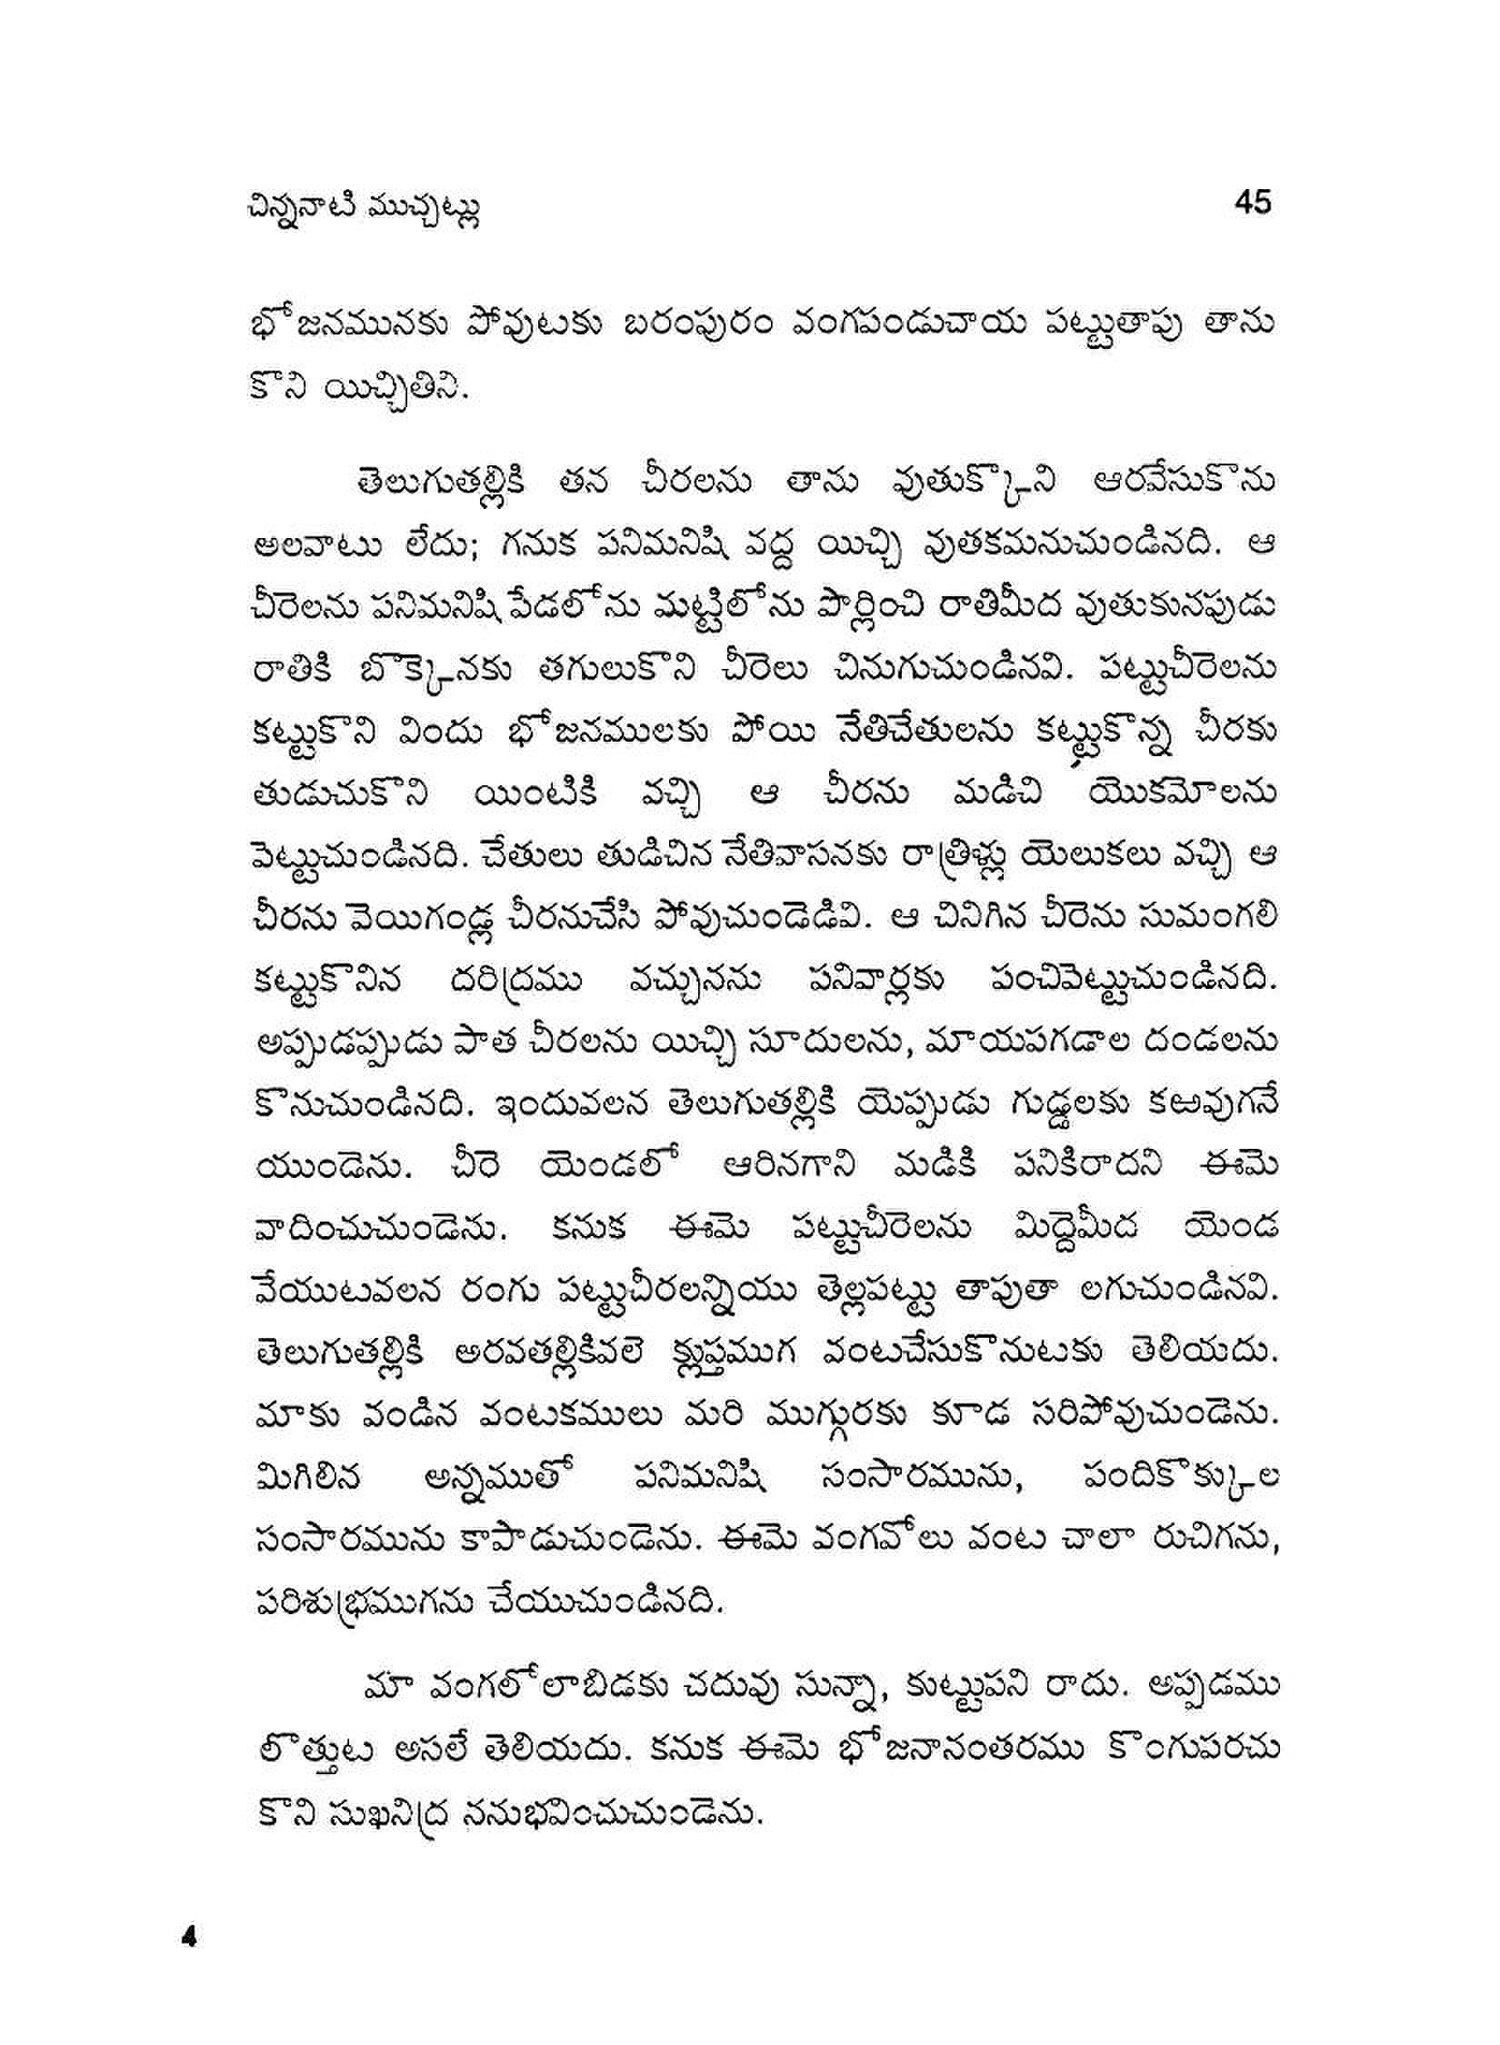భోజనమునకు పోవుటకు బరంపురం వంగపండుచాయ పట్టుతాపు తాను కొని యిచ్చితిని.

తెలుగుతల్లికి తన చీరలను తాను వుతుక్కొని ఆరవేసుకొను అలవాటు లేదు; గనుక పనిమనిషి వద్ద యిచ్చి వుతకమనుచుండినది. ఆ చీరెలను పనిమనిషి పేడలోను మట్టిలోను పార్లించి రాతిమీద వుతుకునపుడు రాతికి బొక్కెనకు తగులుకొని చీరెలు చినుగుచుండినవి. పట్టుచీరెలను కట్టుకొని విందు భోజనములకు పోయి నేతిచేతులను కట్టుకొన్న చీరకు తుడుచుకొని యింటికి వచ్చి ఆ చీరను మడిచి యొకమోలను పెట్టుచుండినది. చేతులు తుడిచిన నేతివాసనకు రాత్రిళ్లు యెలుకలు వచ్చి ఆ చీరను వెయిగండ్ల చీరనుచేసి పోవుచుండెడివి. ఆ చినిగిన చీరెను సుమంగలి కట్టుకొనిన దరిద్రము వచ్చునను పనివార్లకు పంచిపెట్టుచుండినది. అప్పుడప్పుడు పాత చీరలను యిచ్చి సూదులను, మాయపగడాల దండలను కొనుచుండినది. ఇందువలన తెలుగుతల్లికి యెప్పడు గుడ్డలకు కఱవుగనే యుండెను. చీరె యెండలో ఆరినగాని మడికి పనికిరాదని ఈమె వాదించుచుండెను. కనుక ఈమె పట్టుచీరెలను మిద్దెమీద యెండ వేయుటవలన రంగు పట్టుచీరలన్నియు తెల్లపట్టు తాపుతా లగుచుండినవి. తెలుగుతల్లికి అరవతల్లికివలె క్లుప్తముగ వంటచేసుకొనుటకు తెలియదు. మాకు వండిన వంటకములు మరి ముగ్గురకు కూడ సరిపోవుచుండెను. మిగిలిన అన్నముతో పనిమనిషి సంసారమును, పందికొక్కుల సంసారమును కాపాడుచుండెను. ఈమె వంగవోలు వంట చాలా రుచిగను, పరిశుభ్రముగను చేయుచుండినది.

మా వంగలోలాబిడకు చదువు సున్నా, కుట్టుపని రాదు. అప్పడము లొత్తుట అసలే తెలియదు. కనుక ఈమె భోజనానంతరము కొంగుపరచుకొని సుఖనిద్ర ననుభవించుచుండెను.